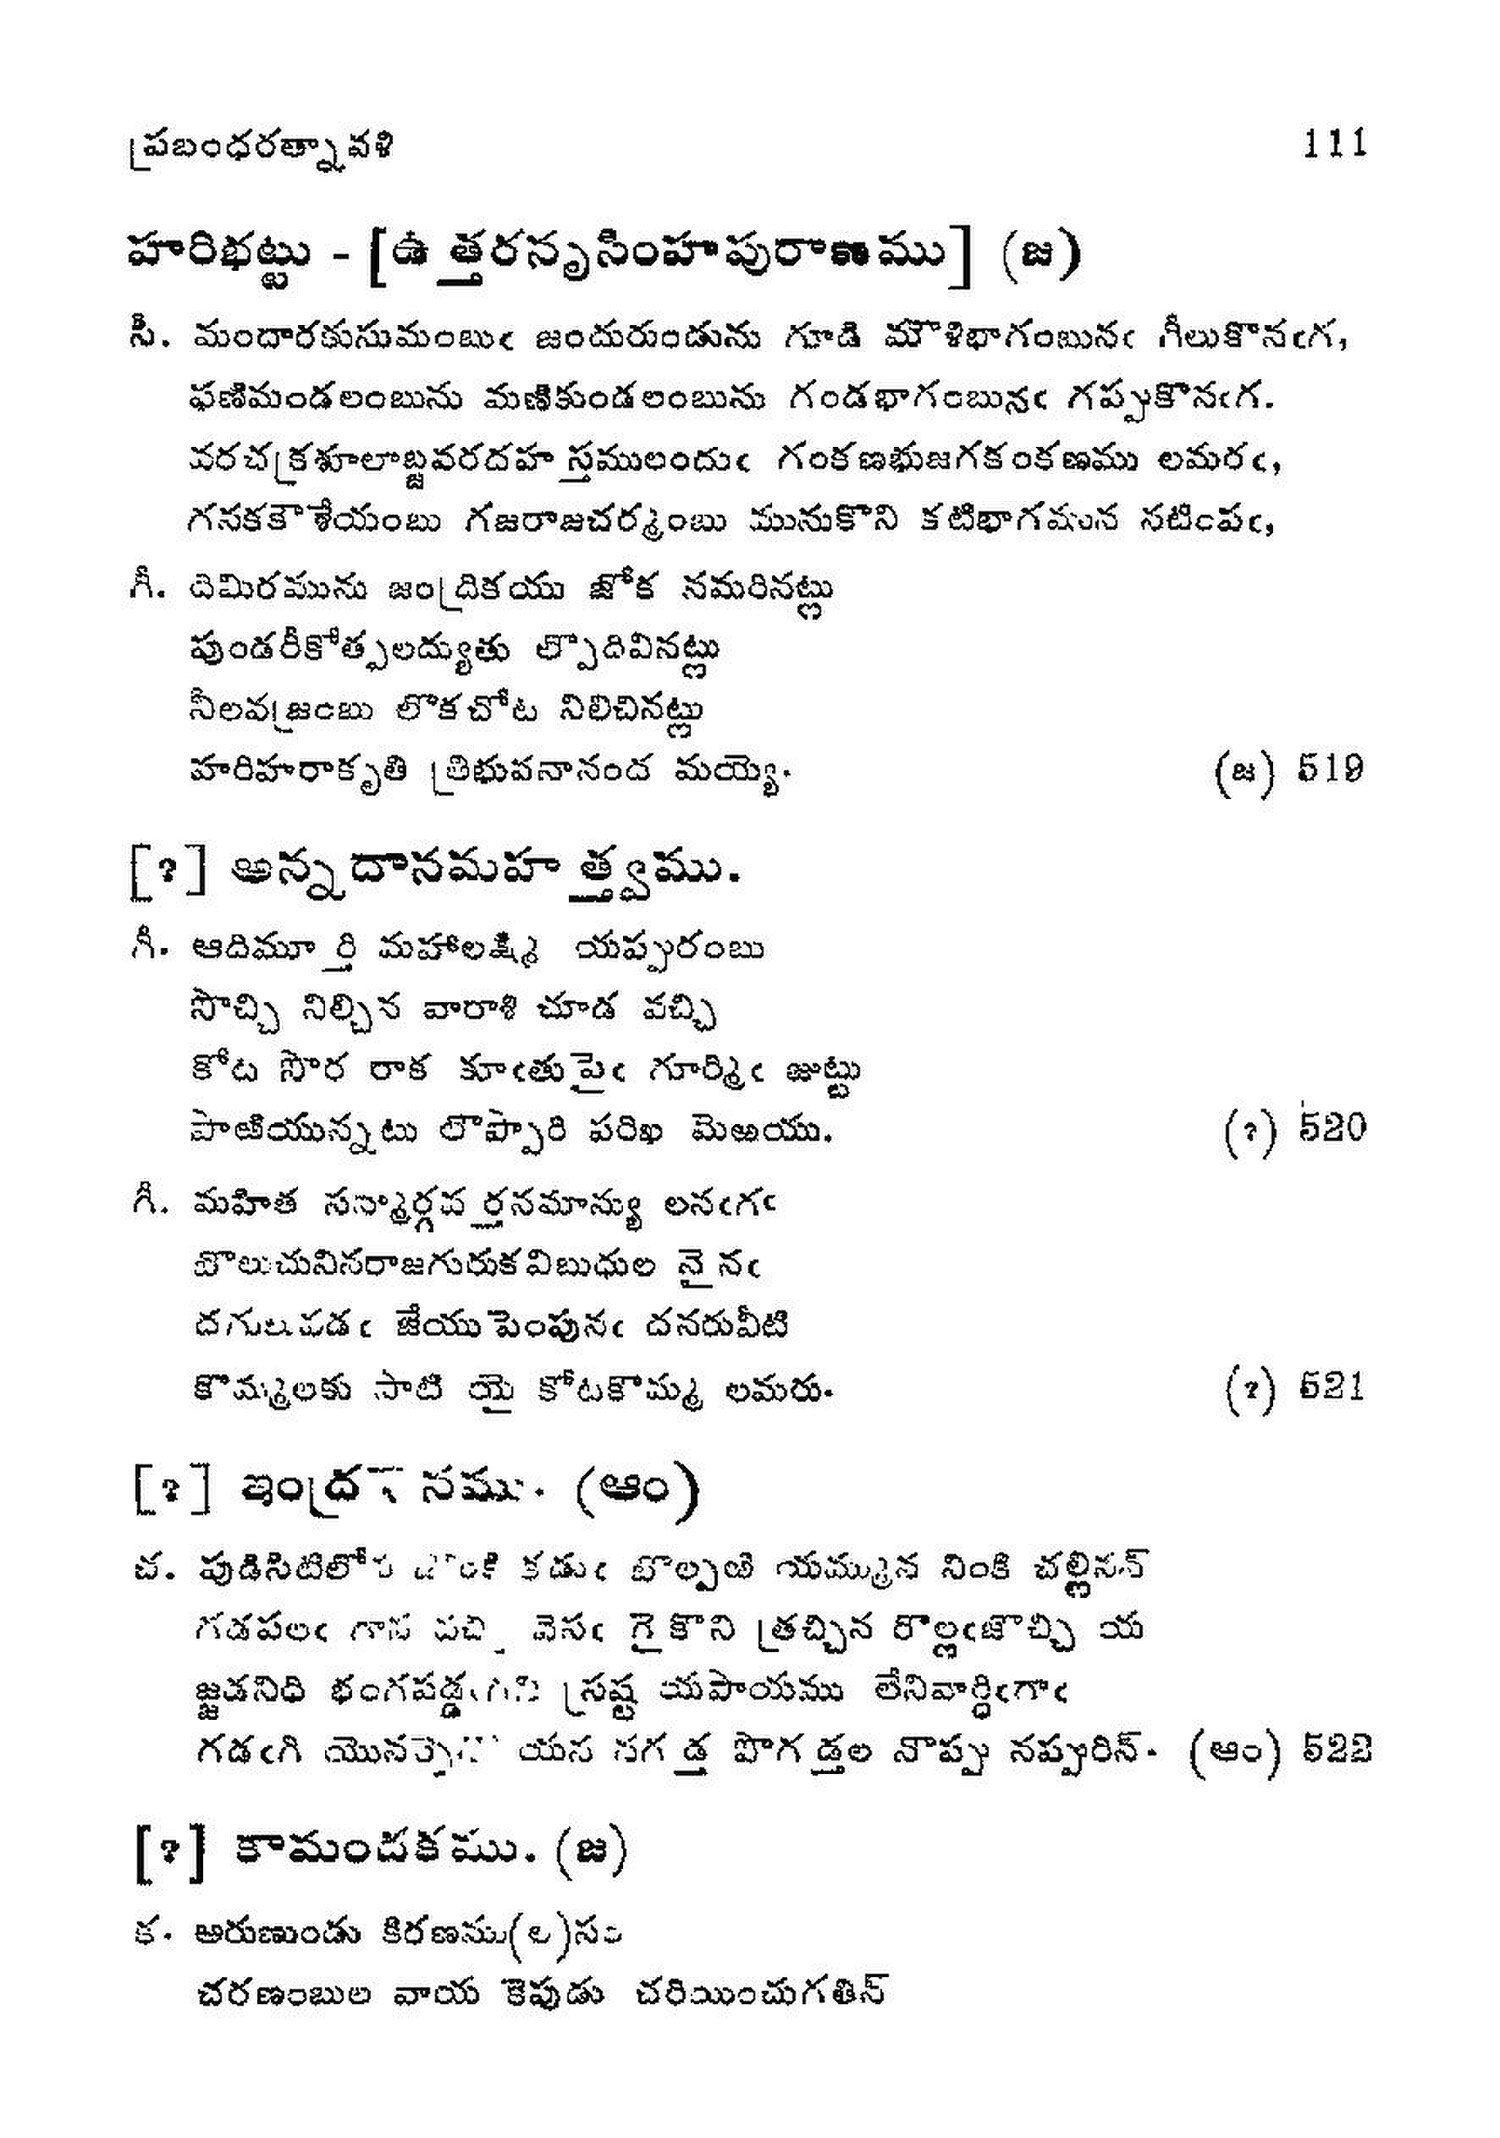హరిభట్టు [ఉత్తరనృసింహపురాణము] (జ)
సీ. మందారకుసుమంబుఁ జందురుండును గూడి మౌళిభాగంబునఁ గీలుకొనఁగ,
ఫణిమండలంబును మణికుండలంబును గండభాగంబునఁ గప్పుకొనఁగ,
వరచక్రశూలాబ్జ వరదహస్తములందుఁ గంకణ భుజగ కంకణము లమరఁ,
గనకకౌశేయంబు గజరాజచర్మంబు మునుకొని కటిభాగమున నటింపఁ,
గీ. దిమిరమును జంద్రికయు జోక నమరినట్లు
పుండరీకోత్పల ద్యుతు ల్పొదివినట్లు
నీలవజ్రంబు లొకచోట నిలిచినట్లు
హరిహరాకృతి త్రిభువనానందమయ్యె. (జ) 519

? [అన్నదానమహత్త్వము]
గీ. ఆదిమూర్తి మహాలక్ష్మి యప్పురంబు
సొల్చి నిల్చిన వారాశి చూడ వచ్చి
కోట సొర రాక కూఁతుపైఁ గూర్మిఁ జుట్టు
పాఱియున్నటు లొప్పారి పరిఖ మెఱయు. (?) 520

గీ. మహిత సన్మార్గ వర్తన మాన్యులనఁగఁ
బొలుచు నినరాజగురు కవిబుధులనైనఁ
దగులువడఁ జేయు పెంపునఁ దనరు వీటి
కొమ్మలకు సాటియై కోటకొమ్మలమరు. (?) 521

? [ఇంద్రసేనము] (ఆం)
చ. పుడిసిటిలోన డొంకి కడుఁబొల్పఱి యమ్మున నింకి చల్లినన్
గడపలఁ గానవచ్చి వెసఁగైకొని త్రచ్చిన రొల్లఁజొచ్చి య
జ్జడనిధి భంగపడ్డఁ గని స్రష్ట యపాయములేని వార్ధిఁగాఁ
గడఁగి యొనర్చె నోయన నగడ్త పొగడ్తల నొప్పు నప్పురిన్. (ఆం) 522

? [కామందకము] (జ)
క. అరుణుడు కిరణము[ల] సం
చరణంబుల వాయ కెపుడు చరియించుగతిన్